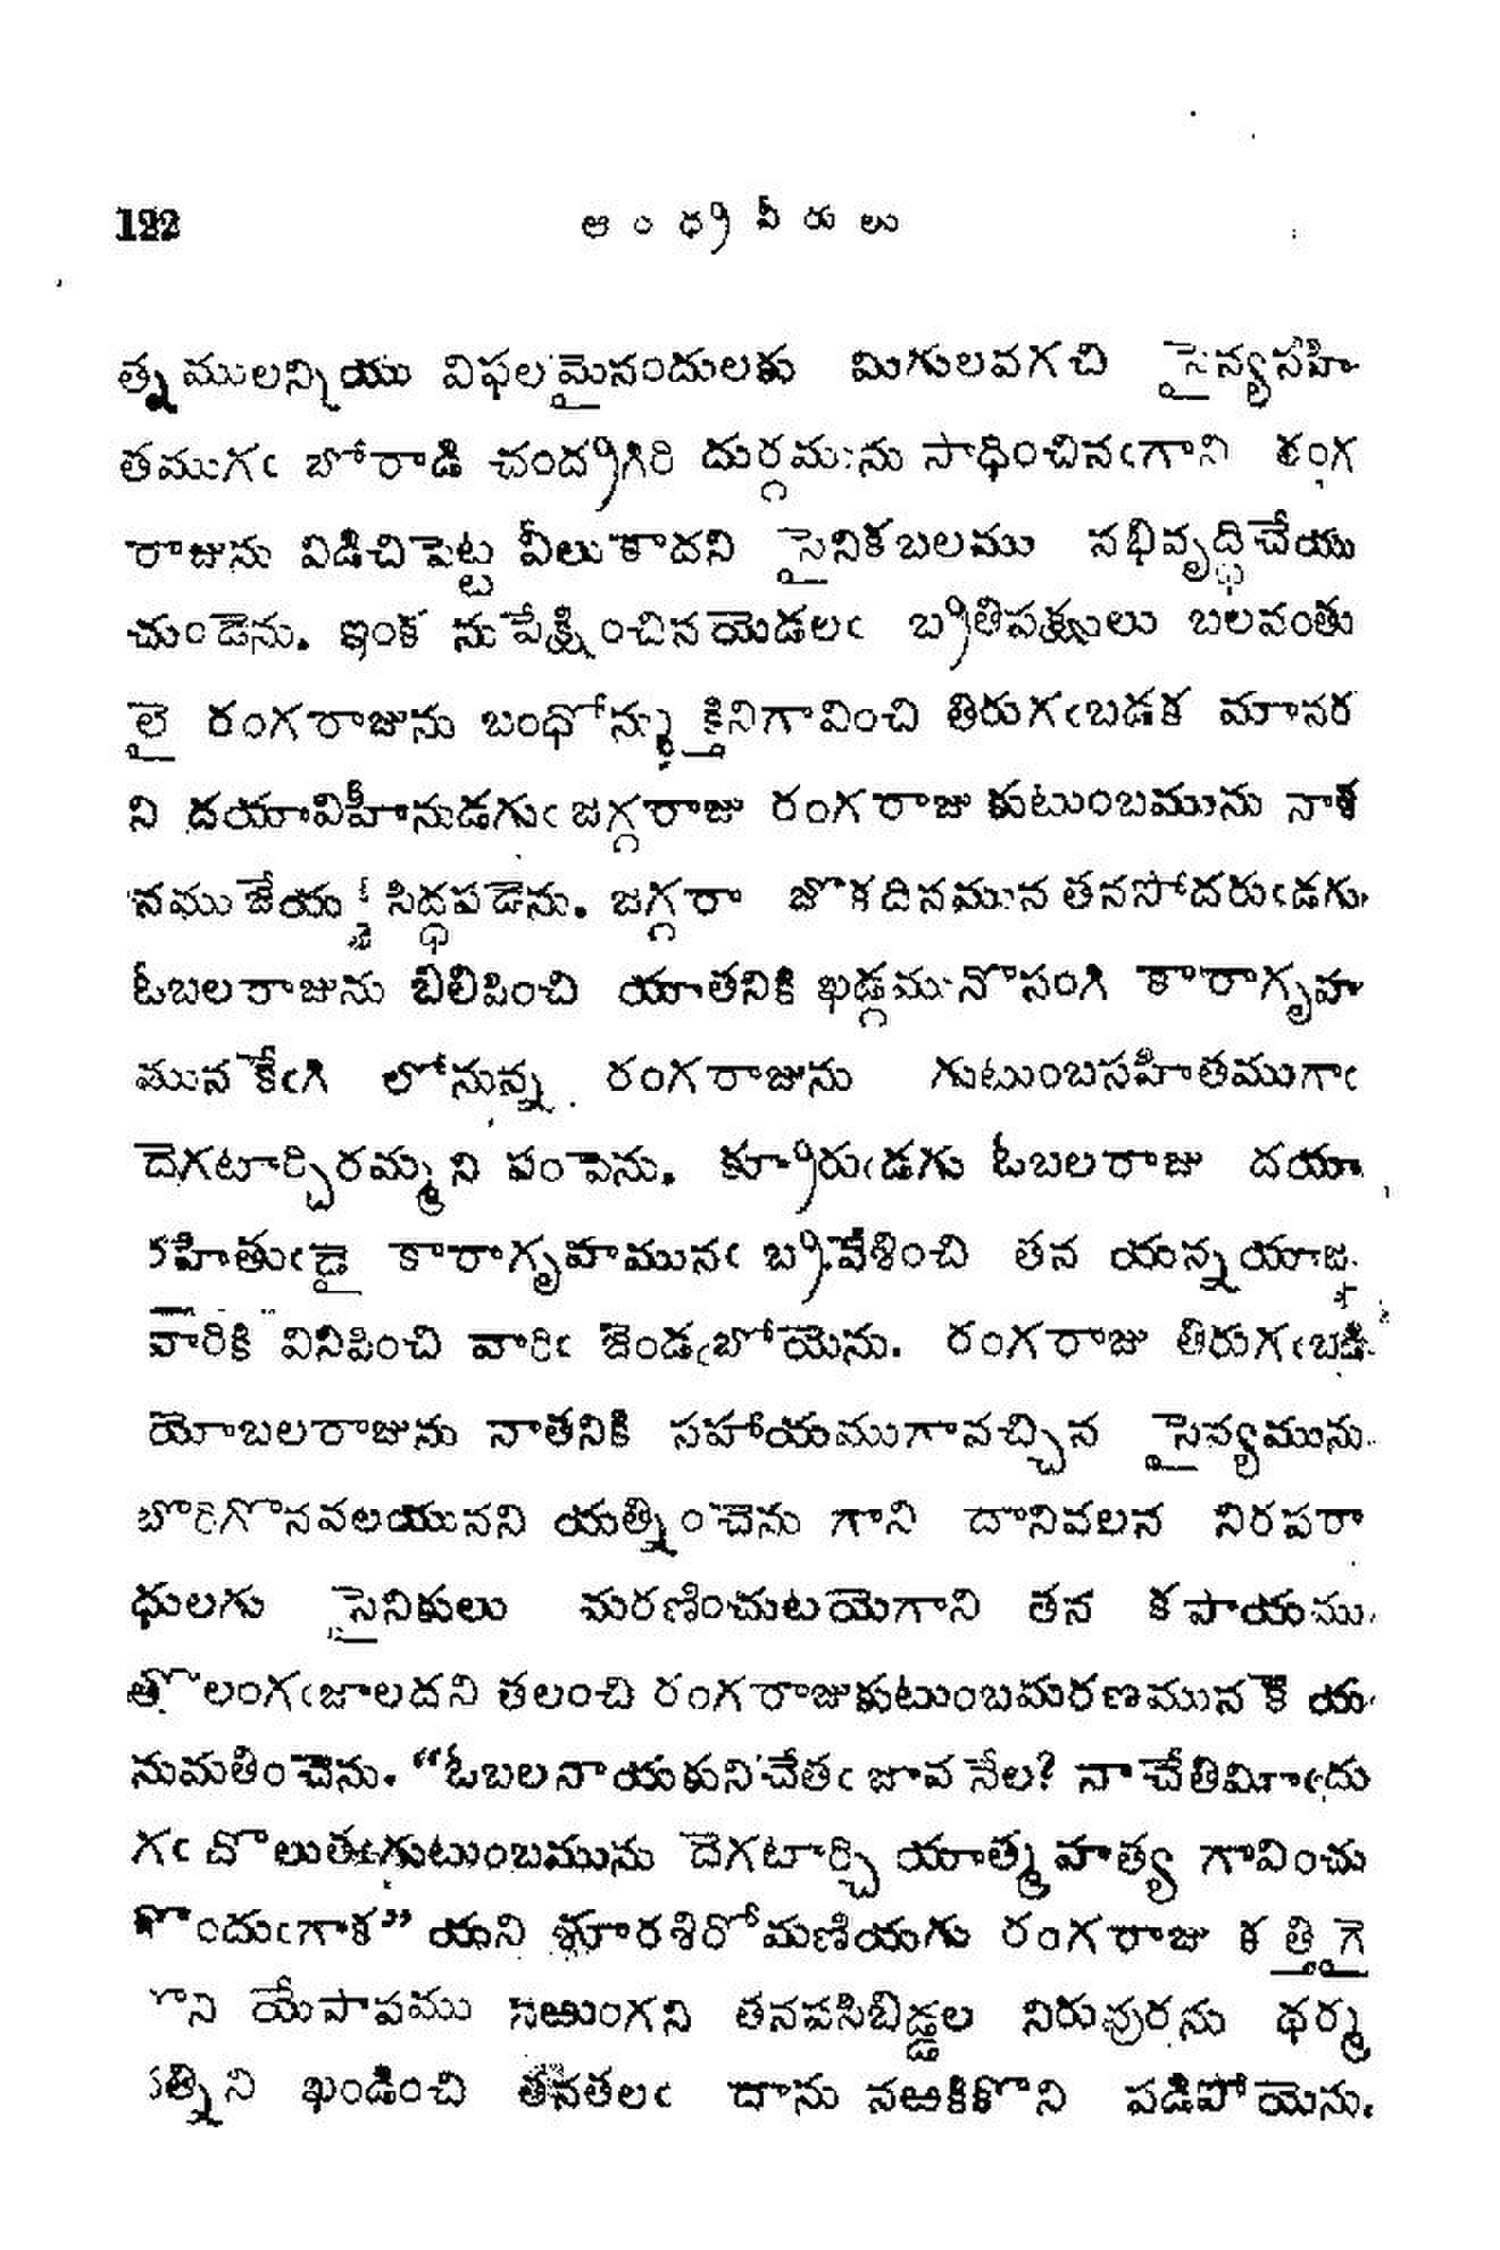త్నములన్నియు విఫలమైనందులకు మిగులవగచి సైన్యసహితముగ బోరాడి చంద్రగిరి దుర్గమును సాధించినగాని రంగరాజును విడిచిపెట్ట వీలుకాదని సైనికబలము నభివృద్ధిచేయు చుండెను. ఇంక నుపేక్షించినయెడల బ్రతిపక్షులు బలవంతులై రంగరాజును బంధోన్ముక్తినిగావించి తిరుగబడక మానరని దయావిహీనుడగు జగ్గరాజు రంగరాజు కుటుంబమును నాశనముజేయ సిద్ధపడెను. జగ్గరా జొకదినమున తనసోదరుడగు ఓబలరాజును బిలిపించి యాతనికి ఖడ్గము నొసంగి కారాగృహమునకేగి లోనున్న రంగరాజును గుటుంబసహితముగా దెగటార్చిరమ్మని పంపెను. క్రూరుడగు ఓబలరాజు దయారహితుడై కారాగృహమున బ్రవేశించి తన యన్నయాజ్ఞ వారికి వినిపించి వారి జెండబోయెను. రంగరాజు తిరుగబడి యోబలరాజును నాతనికి సహాయముగావచ్చిన సైన్యమును బొరొగొనవలయునని యత్నించెను. గాని దానివలన నిరపరాధులగు సైనికులు మరణించుటయెగాని తన కపాయము తొలంగజాలదని తలంచి రంగరాజు కుటుంబమరణమునకె యనుమతించెను. "ఓబలనాయకునిచేత జావనేల? నాచేతిమీదుగ దొలుత గుటుంబమును దెగటార్చి యాత్మహత్మ గావించు కొందుగాక" యని శూరశిరోమణియగు రంగరాజు కత్తిగైకొని యేపాపము నెఱుంగని తనపసిబిడ్డల నిరువురను ధర్మపత్నిని ఖండించి తనతల దాను నఱకికొని పడిపోయెను.